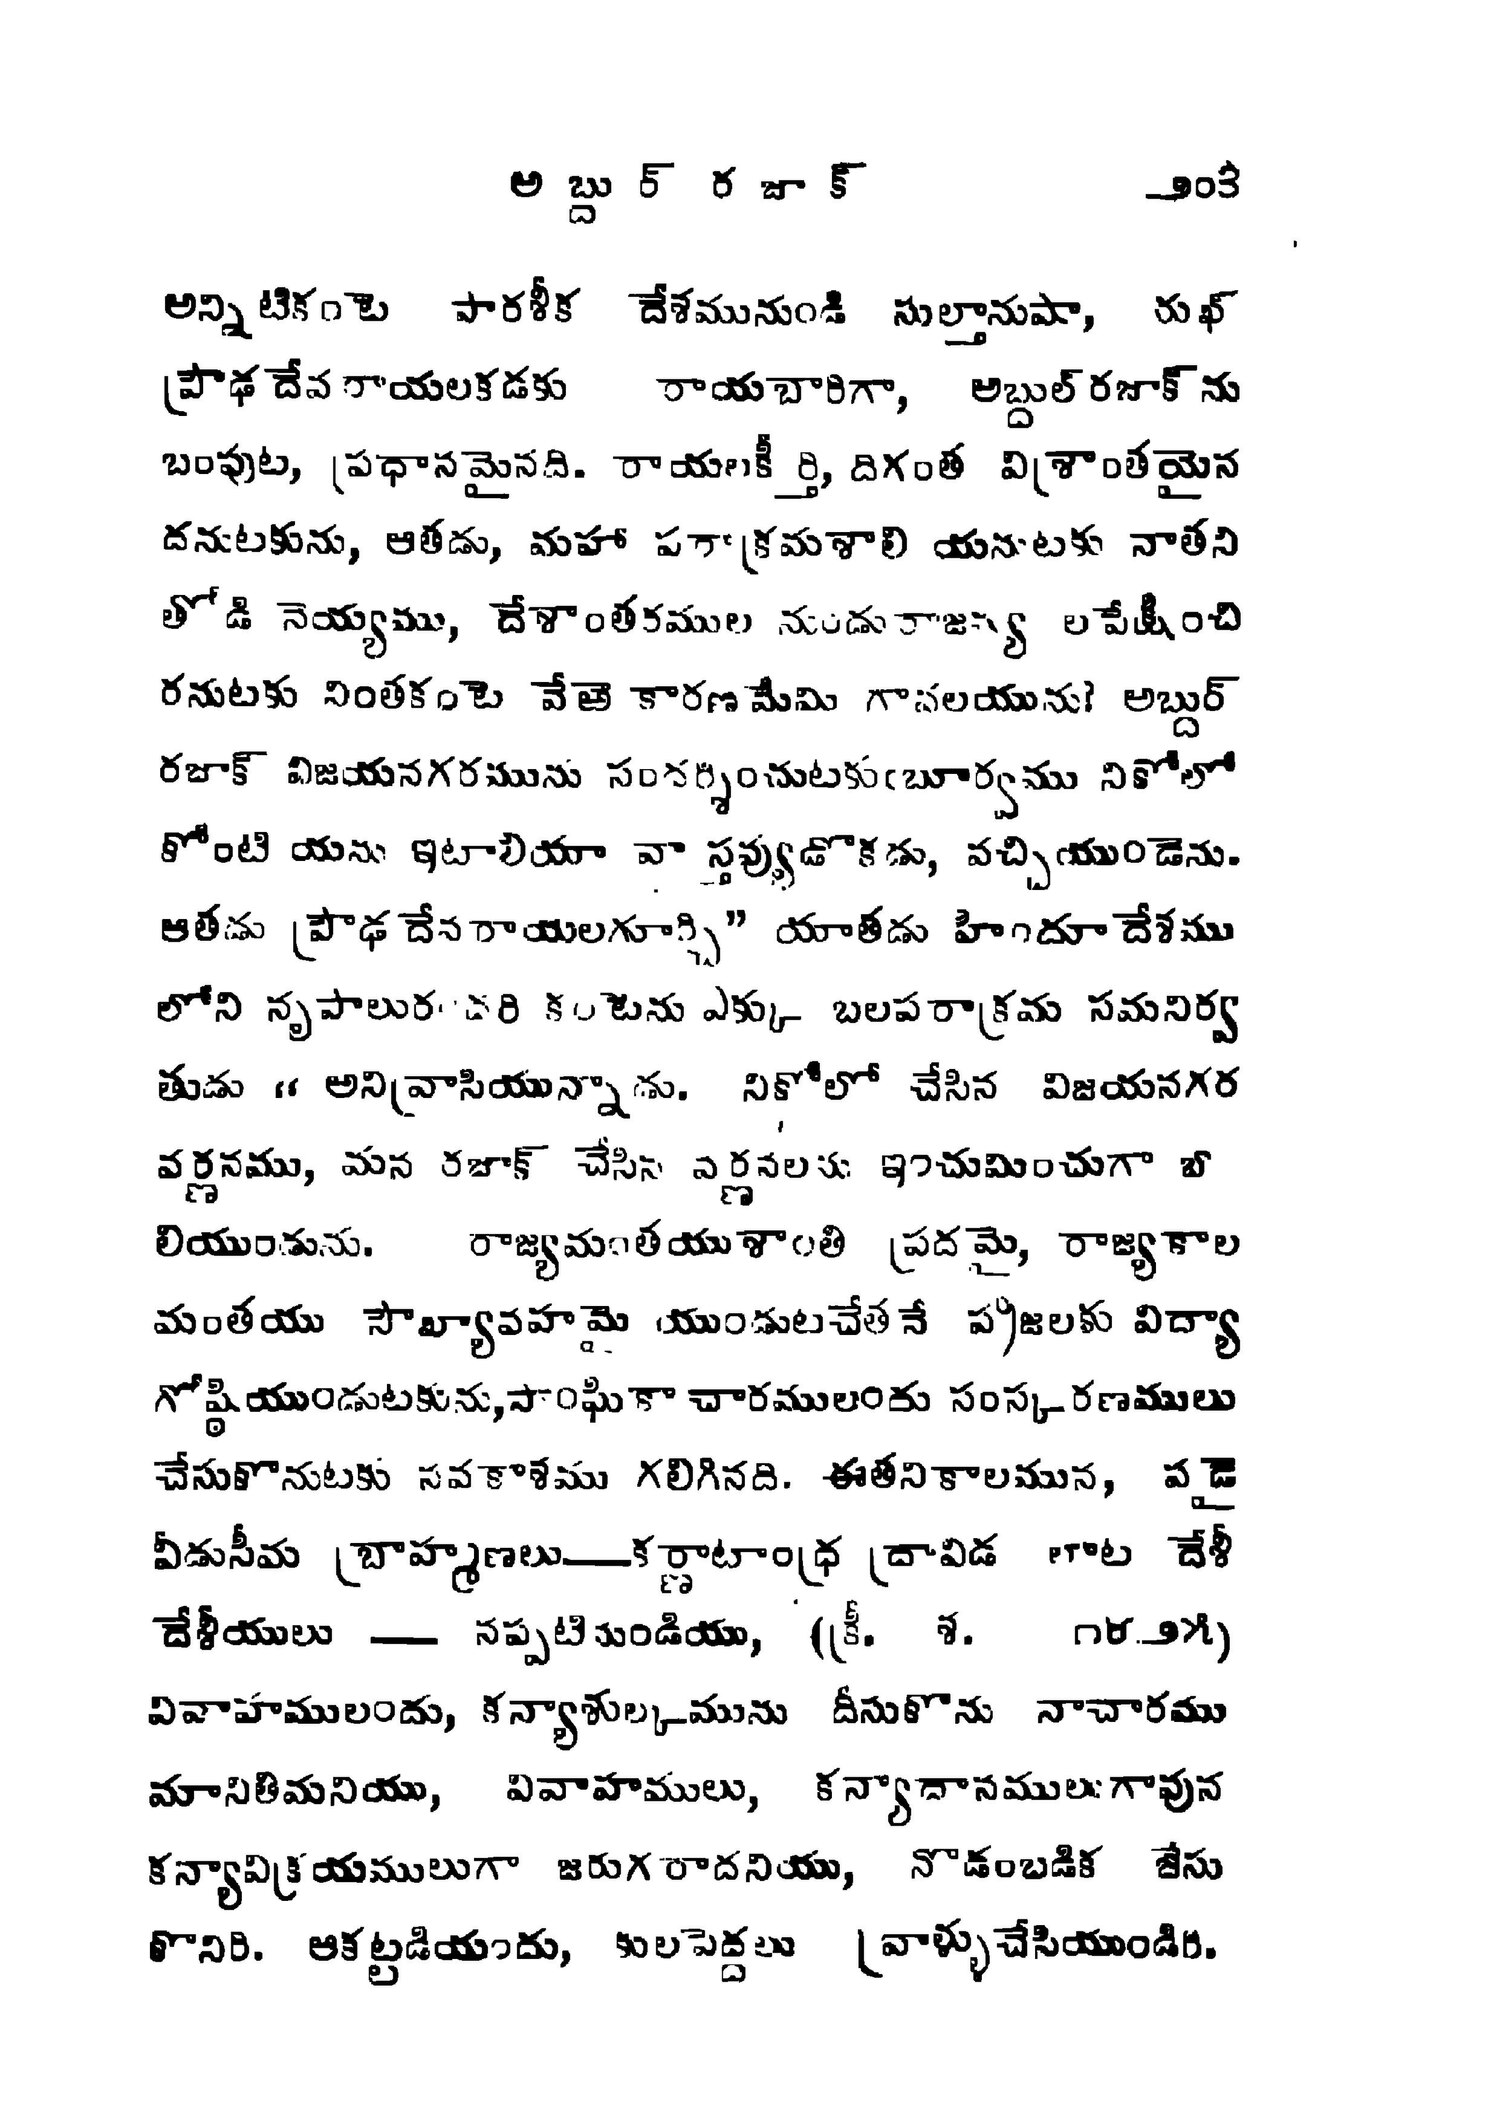అన్నిటికంటె పారశీక దేశమునుండి సుల్తానుషా, రుఖ్ ప్రౌడదేవరాయల కడకు రాయబారిగా, అబ్దుల్‌రజాక్‌ను బంపుట, ప్రధానమైనది. రాయలకీర్తి, దిగంత విశ్రాంతయైన దనుటకును, ఆతడు, మహా పరాక్రమశాలి యనుటకు నాతని తోడి నెయ్యము, దేశాంతరముల నుండురాజన్యు లపేక్షించిరనుటకు నింతకంటె వేఱె కారణమేమి గావలయును? అబ్దుర్ రజాక్ విజయనగరమును సందర్శించుటకు బూర్వము నికోలో కోంటి యని ఇటాలియా వాస్తవ్యుడొకడు, వచ్చియుండెను. ఆతడు ప్రౌడదేవరాయల గూర్చి "యాతడు హిందూదేశములోని నృపాలురందరి కంటెను ఎక్కు బలపరాక్రమ సమనిర్వతుడు" అనివ్రాసి యున్నాడు. నికోలో చేసిన విజయనగర వర్ణనము, మన రజాక్ చేసిన వర్ణనలను ఇంచుమించుగా బోలియుండెను. రాజ్యమంతయు శాంతి ప్రదమై, రాజ్యకాలమంతయు సౌఖ్యావహమై యుండుటచేతనే ప్రజలకు విద్యాగోష్ఠియుండుటకును, సాంఘికా చారములందు సంస్కరణములు చేసుకొనుటకు నవకాశము కలిగినది. ఈతని కాలమున, వడైవీడుసీమ బ్రాహ్మణలు - కర్ణాటాంధ్ర ద్రావిడ లాట దేశీదేశీయులు - నప్పటినుండియు, (క్రీ.శ. 1425) వివాహములందు, కన్యాశుల్కమును దీసుకొను నాచారము మానితిమనియు, వివాహములు, కన్యాదానములుగావున కన్యావిక్రయములుగా జరుగరాదనియు, నొడంబడిక జేసుకొనిరి. ఆకట్టడియందు, కులపెద్దలు వ్రాళ్ళుచేసియుండిరి.